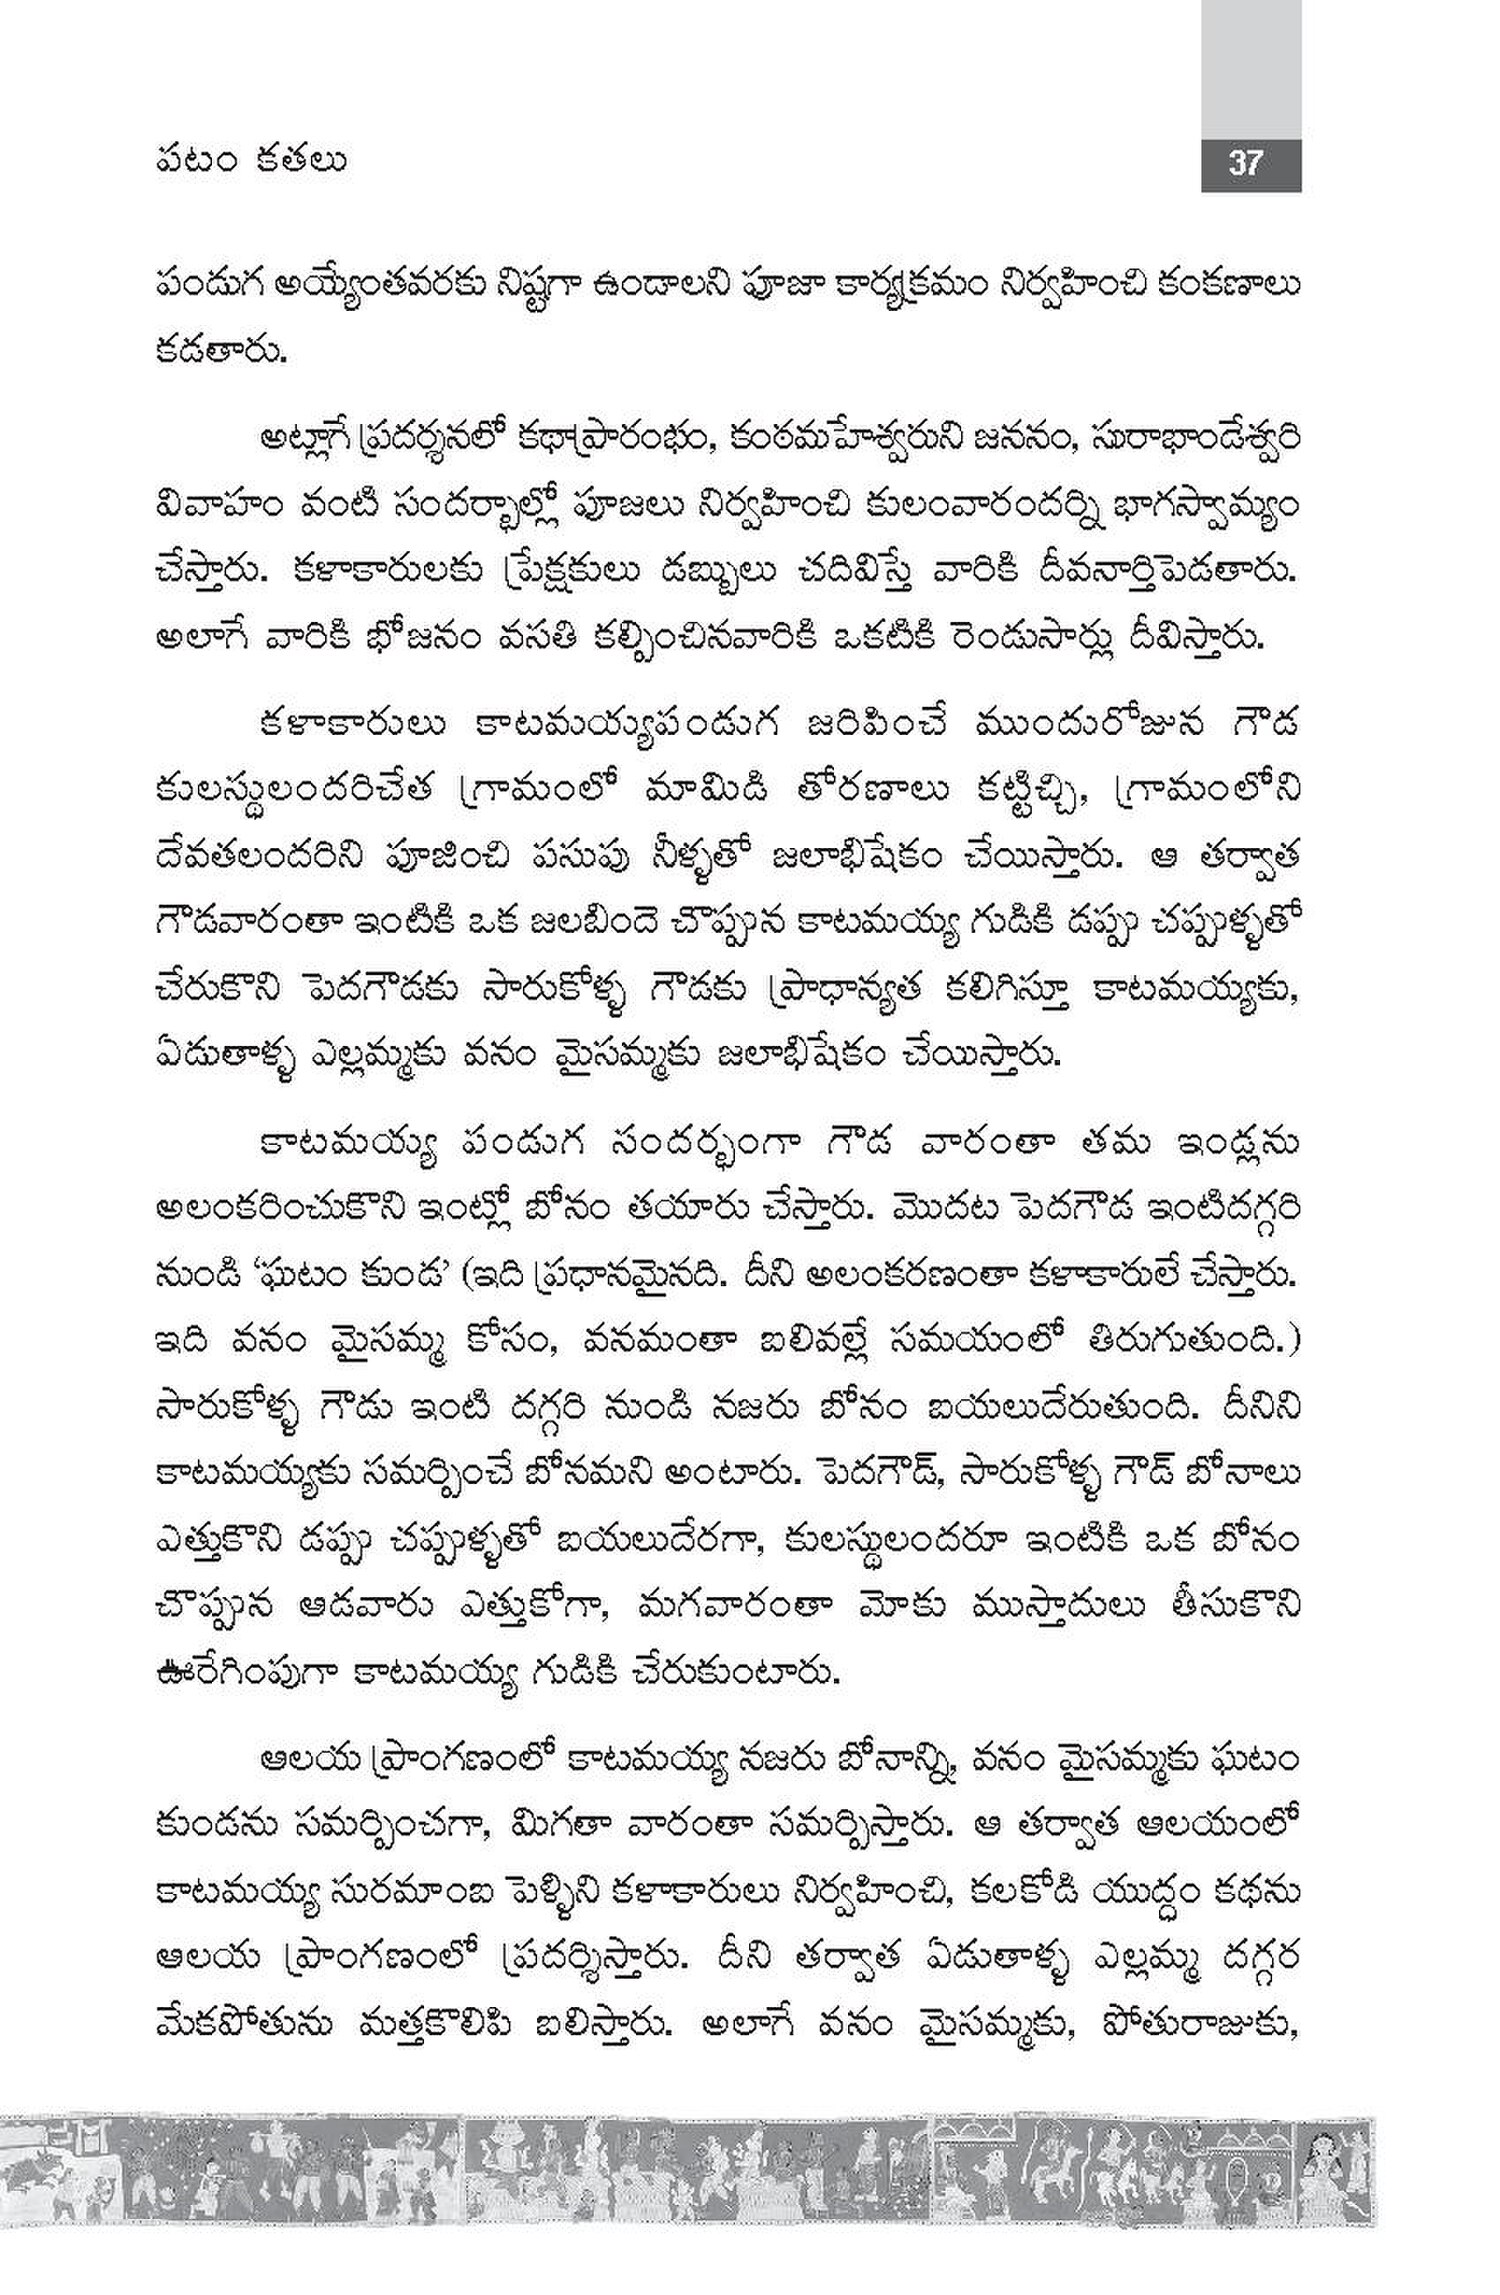పండుగ అయ్యేంతవరకు నిష్టగా ఉండాలని పూజా కార్యక్రమం నిర్వహించి కంకణాలు కడతారు.

అట్లాగే ప్రదర్శనలో కథాప్రారంభం, కంఠమహేశ్వరుని జననం, సురాభాండేశ్వరి వివాహం వంటి సందర్భాల్లో పూజలు నిర్వహించి కులంవారందర్ని భాగస్వామ్యం చేస్తారు. కళాకారులకు ప్రేక్షకులు డబ్బులు చదివిస్తే వారికి దీవనార్తి పెడతారు. అలాగే వారికి భోజనం వసతి కల్పించినవారికి ఒకటికి రెండుసార్లు దీవిస్తారు.

కళాకారులు కాటమయ్యపండుగ జరిపించే ముందురోజున గౌడ కులస్థులందరిచేత గ్రామంలో మామిడి తోరణాలు కట్టిచ్చి, గ్రామంలోని దేవతలందరిని పూజించి పసుపు నీళ్ళతో జలాభిషేకం చేయిస్తారు. ఆ తర్వాత గౌడవారంతా ఇంటికి ఒక జలబిందె చొప్పున కాటమయ్య గుడికి డప్పు చప్పుళ్ళతో చేరుకొని పెదగౌడకు సారుకోళ్ళ గౌడకు ప్రాధాన్యత కలిగిస్తూ కాటమయ్యకు, ఏడు తాళ్ళ ఎల్లమ్మకు వనం మైసమ్మకు జలాభిషేకం చేయిస్తారు.

కాటమయ్య పండుగ సందర్భంగా గౌడ వారంతా తమ ఇండ్లను అలంకరించుకొని ఇంట్లో బోనం తయారు చేస్తారు. మొదట పెదగౌడ ఇంటిదగ్గరి నుండి 'ఘటం కుండ' (ఇది ప్రధానమైనది. దీని అలంకరణంతా కళాకారులే చేస్తారు.
ఇది వనం మైసమ్మ కోసం, వనమంతా బలివల్లే సమయంలో తిరుగుతుంది.) సారుకోళ్ళ గౌడు ఇంటి దగ్గరి నుండి నజరు బోనం బయలుదేరుతుంది. దీనిని కాటమయ్యకు సమర్పించే బోనమని అంటారు. పెదగౌడ్, సారుకోళ్ళ గౌడ్ బోనాలు ఎత్తుకొని డప్పు చప్పుళ్ళతో బయలుదేరగా, కులస్థులందరూ ఇంటికి ఒక బోనం చొప్పున ఆడవారు ఎత్తుకోగా, మగవారంతా మోకు ముస్తాదులు తీసుకొని ఊరేగింపుగా కాటమయ్య గుడికి చేరుకుంటారు.

ఆలయ ప్రాంగణంలో కాటమయ్య నజరు బోనాన్ని, వనం మైసమ్మకు ఘటం కుండను సమర్పించగా, మిగతా వారంతా సమర్పిస్తారు. ఆ తర్వాత ఆలయంలో కాటమయ్య సురమాంబ పెళ్ళిని కళాకారులు నిర్వహించి, కలకోడి యుద్ధం కథను
ఆలయ ప్రాంగణంలో ప్రదర్శిస్తారు. దీని తర్వాత ఏదుతాళ్ళ ఎల్లమ్మ దగ్గర మేకపోతును మత్తకొలిపి బలిస్తారు. అలాగే వనం మైసమ్మకు, పోతురాజుకు,